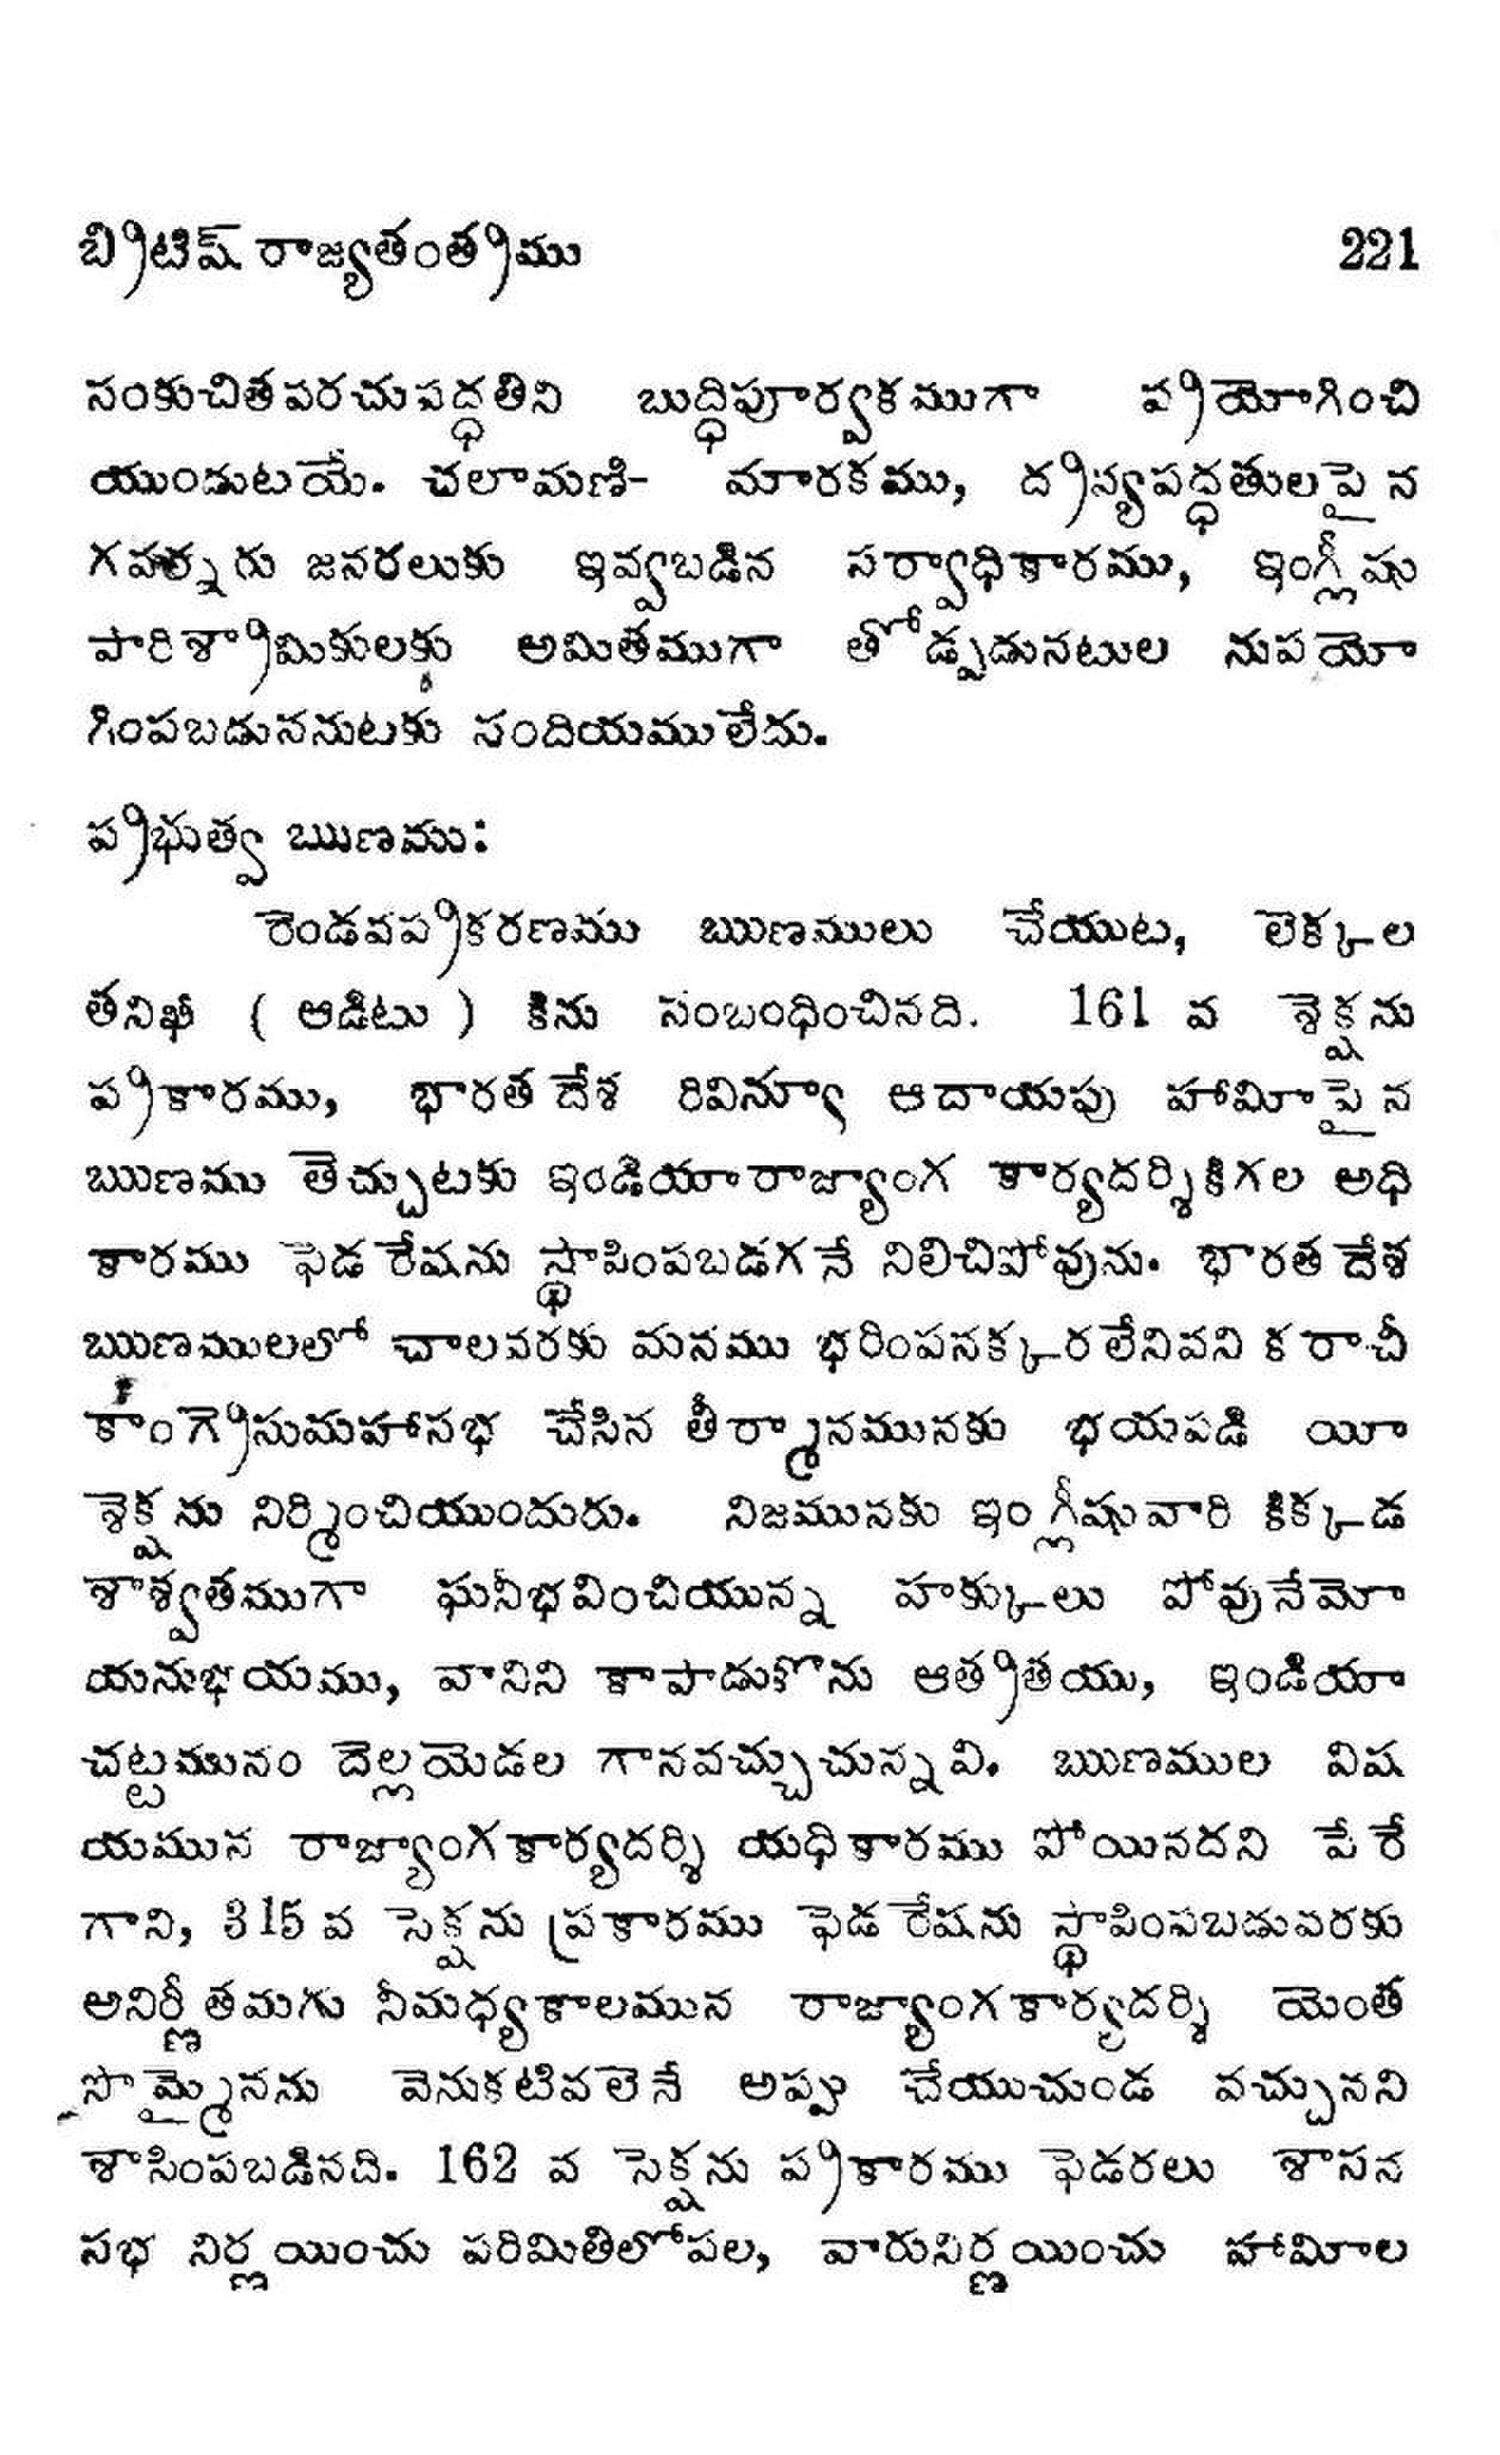సంకుచితపరచుపద్దతిని బుద్ధిపూర్వకముగా ప్రయోగించి యుండుటయే. చలామణి మారకము, ద్రవ్యపద్ధతులపైన గవర్నరు జనరలుకు ఇవ్వబడిన సర్వాధికారము, ఇంగ్లీషు పారిశ్రామికులకు అమితముగా తోడ్పడునటుల నుపయోగింపబడుననుటకు సందియములేదు. 

రెండవప్రకరణము ఋణములు చేయుట, లెక్కల తనిఖీ ( ఆడిటు ) కిను సంబంధించినది. 161 వ శెక్షను ప్రకారము, భారతదేశ రివిన్యూ ఆదాయపు హామీపైన ఋణము తెచ్చుటకు ఇండియారాజ్యాంగ కార్యదర్శికిగల అధికారము ఫెడరేషను స్థాపింపబడగనే నిలిచిపోవును. భారతదేశ ఋణములలో చాలవరకు మనము భరింపనక్కరలేనివని కరాచీ కాంగ్రెసుమహాసభ చేసిన తీర్మానమునకు భయపడి యీ శెక్షను నిర్మించియుందురు. నిజమునకు ఇంగ్లీషువారి కిక్కడ శాశ్వతముగా ఘనీభవించియున్న హక్కులు పోవునేమో యనుభయము, వానిని కాపాడుకొను ఆత్రతయు, ఇండియా చట్టమునం దెల్లయెడల గానవచ్చుచున్నవి. ఋణముల విషయమున రాజ్యాంగకార్యదర్శి యధికారము పోయినదని పేరే గాని, 315 వ సెక్షను ప్రకారము ఫెడరేషను స్థాపింపబడువరకు అనిర్ణీతమగు నీమధ్యకాలమున రాజ్యాంగకార్యదర్శి యెంత సొమ్మైనను వెనుకటివలెనే అప్పు చేయుచుండ వచ్చునని శాసింపబడినది. 162 వ సెక్షను ప్రకారము ఫెడరలు శాసనసభ నిర్ణయించు పరిమితిలోపల, వారునిర్ణయించు హామీల